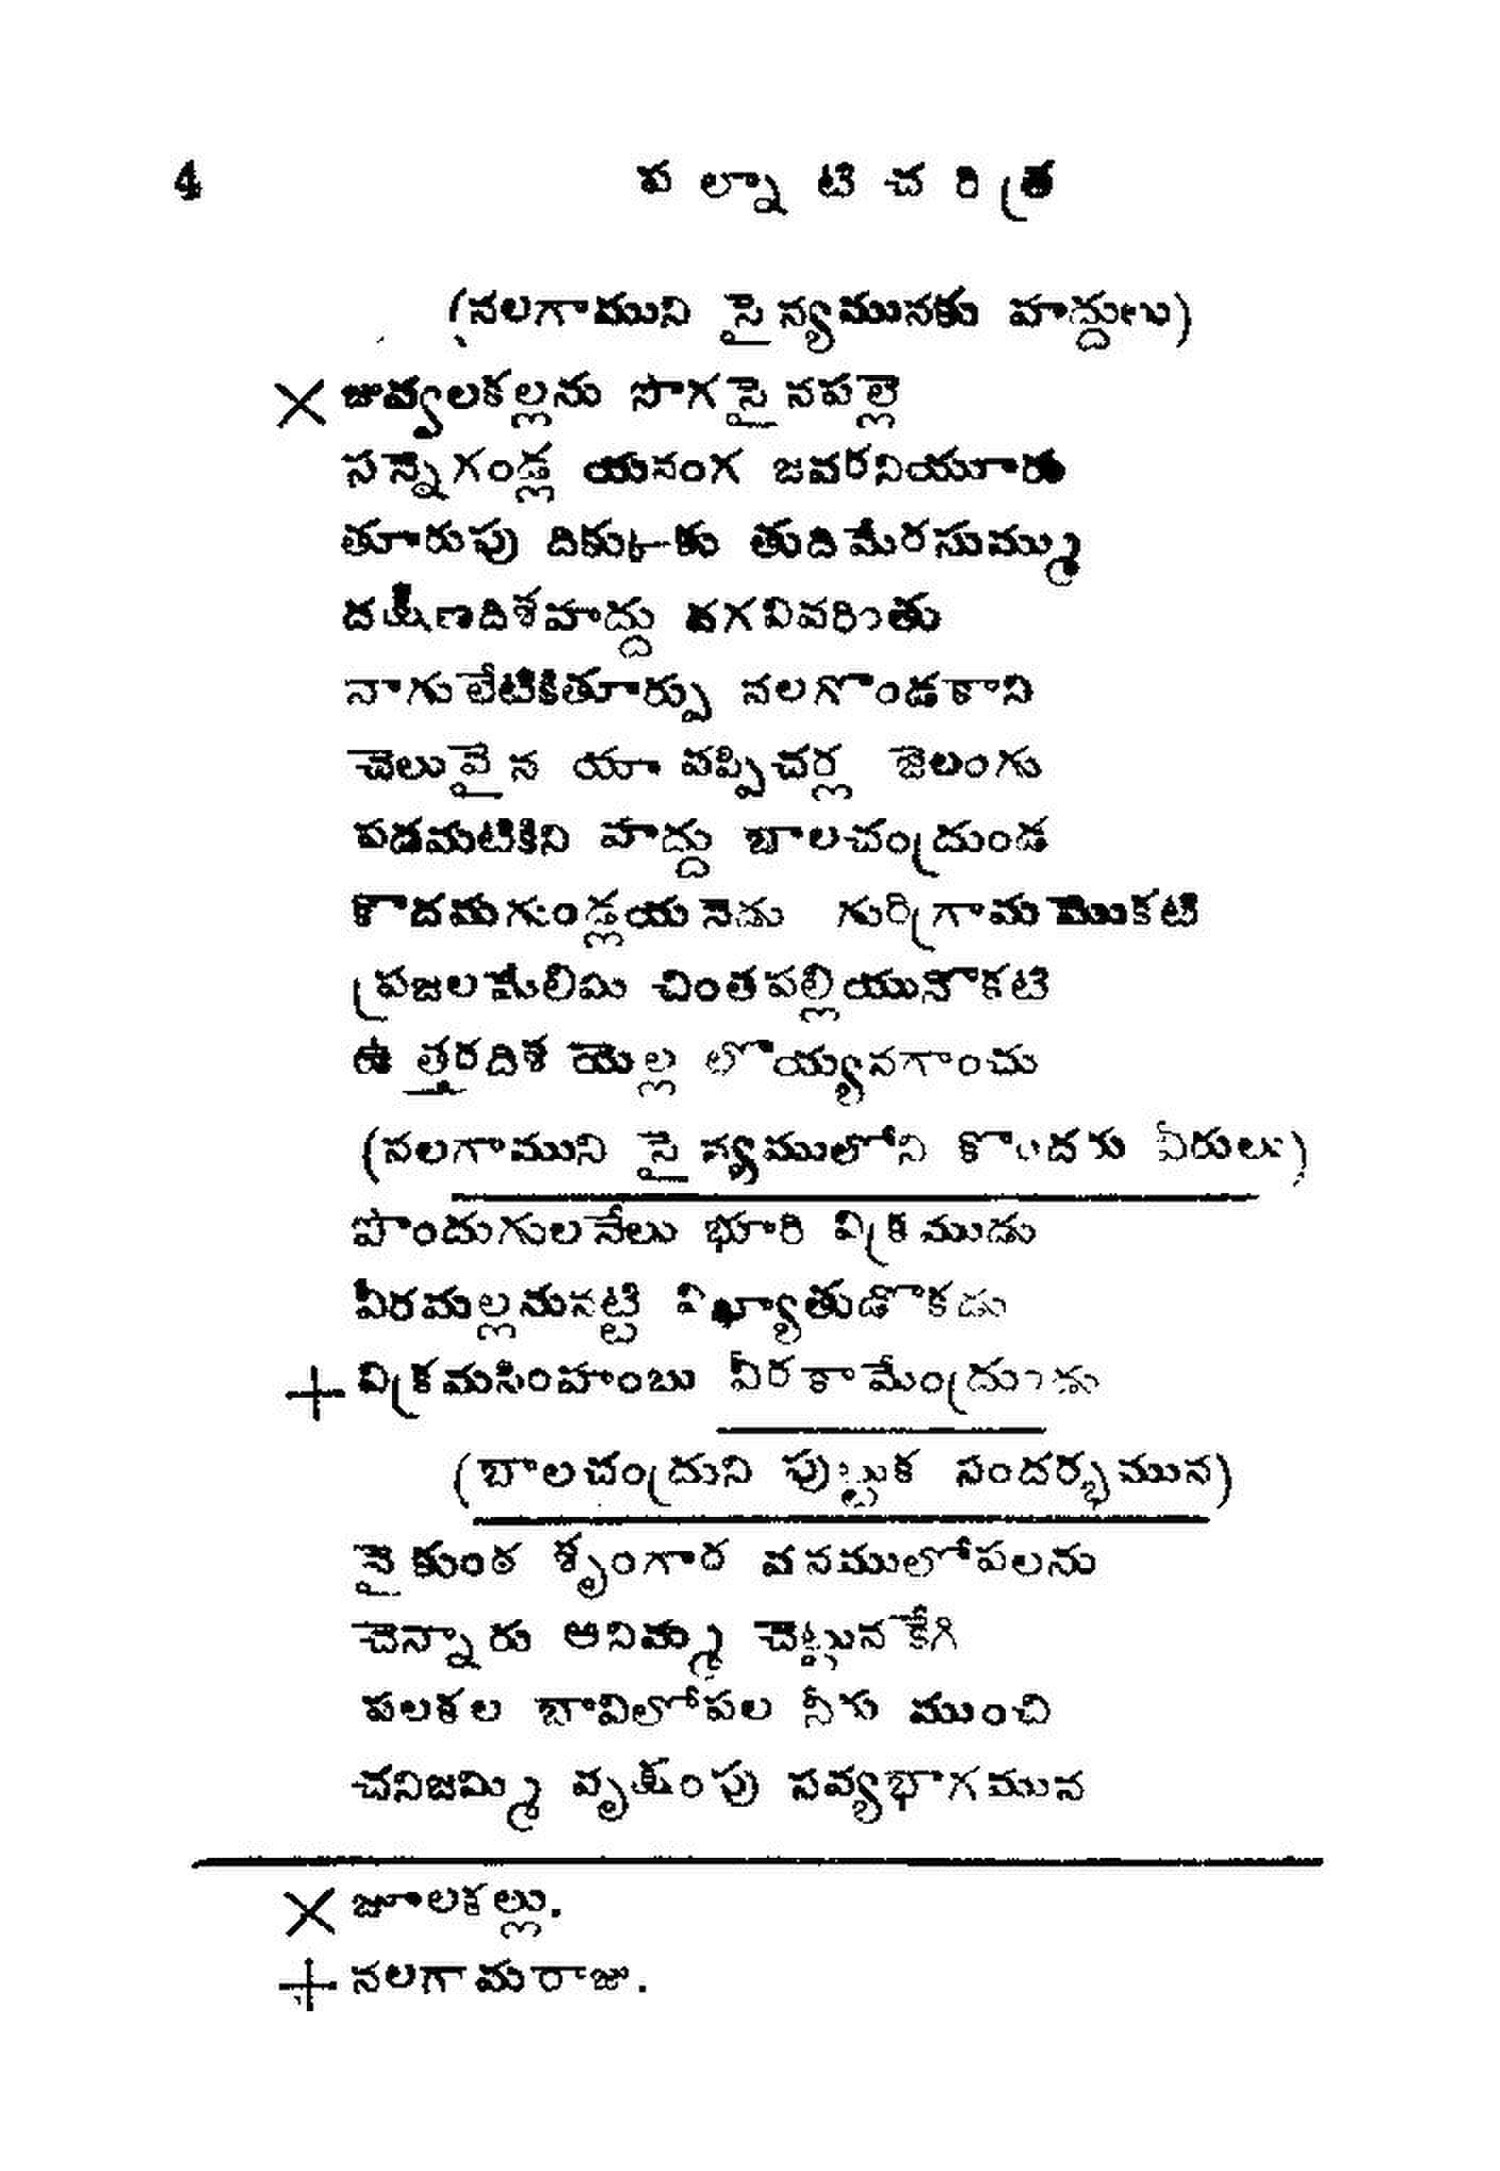జువ్వలకల్లను సొగసైనపల్లె
సన్నెగండ్ల యనంగ జవరనియూరు
తూరుపు దిక్కుకు తుది మేరసుమ్ము
దక్షిణదిశహద్దు దగవివరింతు
నాగులేటికి తూర్పు నలగొండకాని
చెలువైన యా వప్పిచర్ల జెలంగు
పడమటికిని హద్దు బాలచంద్రుండ
కొదమగుండ్లయనెడు గురిగ్రామ మొకటి
ప్రజలమేలిమి చింతపల్లియునొకటి 
ఉత్తరదిశ యెల్ల లొయ్యనగాంచు

పొందుగులనేలు భూరి విక్రముడు
వీరమల్లనునట్టి విఖ్యాతుడొకడు
విక్రమసింహంబు వీరకామేంద్రుండు

వైకుంఠ శృంగార వనములోపలను
చెన్నారు అనిమ్మ చెట్టున కేగి
పలకల బావిలోపల నీరు ముంచి
చనిజమ్మి వృక్షంపు సవ్యభాగమున